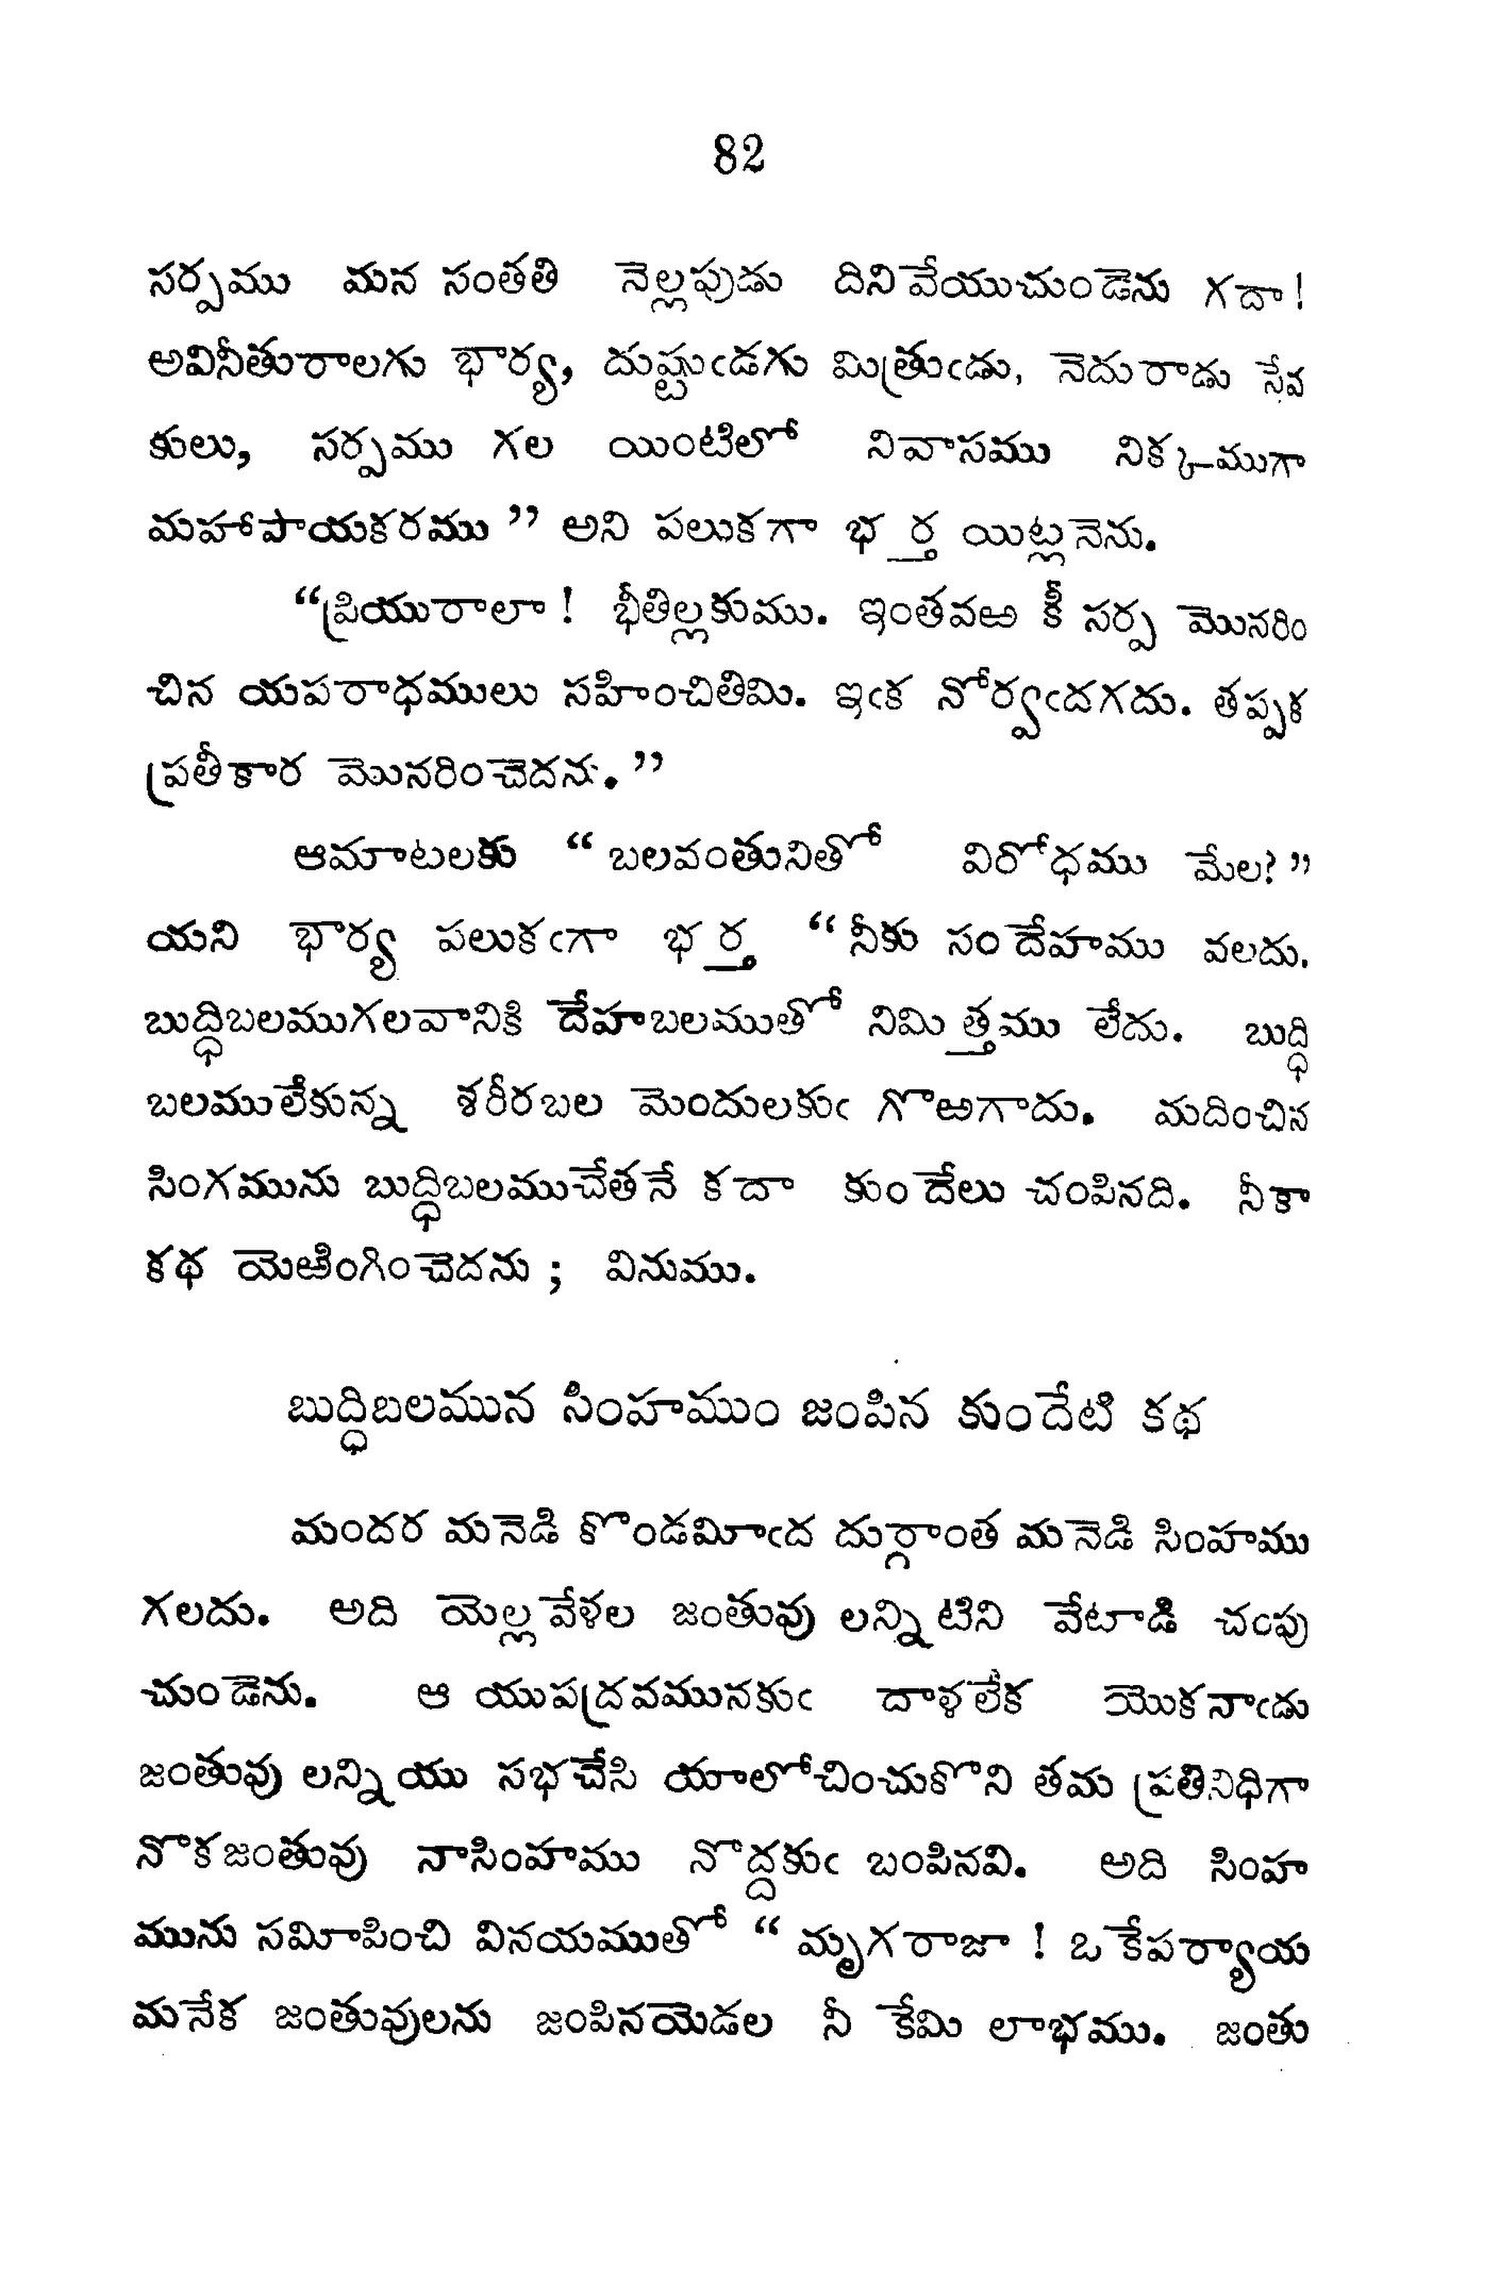సర్పము మన సంతతి నెల్లప్పుడు దినివేయుచుండెను గదా! అవినీతురాలగు భార్య, దుష్టుడగు మిత్రుడు, నెదురాడు సేవకులు, సర్పముగల యింటిలో నివాసము నిక్కముగా మహాపాయకరము" అని పలుకగా భర్త యిట్లనెను.

"ప్రియురాలా! భీతిల్లకుము. ఇంతవఱ కీ సర్ప మొనరించిన యపరాధములు సహించితిమి. ఇక నోర్వదగదు. తప్పక ప్రతీకార మొనరించెదను."

ఆమాటలకు "బలవంతునితో విరోధము మేల?" యని భార్య పలుకగా భర్త "నీకు సందేహము వలదు. బుద్ధిబలముగలవానికి దేహబలముతో నిమిత్తము లేదు. బుద్ధిబలములేకున్న శరీరబల మెందులకు గొఱగాదు. మదించిన సింగమును బుద్ధిబలముచేతనే కదా కుందేలు చంపినది నీకా కథ యెఱింగించెదను; వినుము.

మందర మనెడి కొండమీద దుర్గాంత మనెడి సింహము గలదు. అది యెల్లవేళల జంతువు లన్నిటిని వేటాడి చంపు చుండెను. ఆ యుపద్రవమునకు దాళలేక యొకనాడు జంతువు లన్నియు సభచేసి యాలోచించుకొని తమ ప్రతినిధిగా నొకజంతువు నాసింహము నొద్దకు బంపినవి. అది సింహమును సమీపించి వినయముతో "మృగరాజా! ఒకేపర్యాయ మనేక జంతువులను జంపినయెడల నీ కేమి లాభము. జంతు